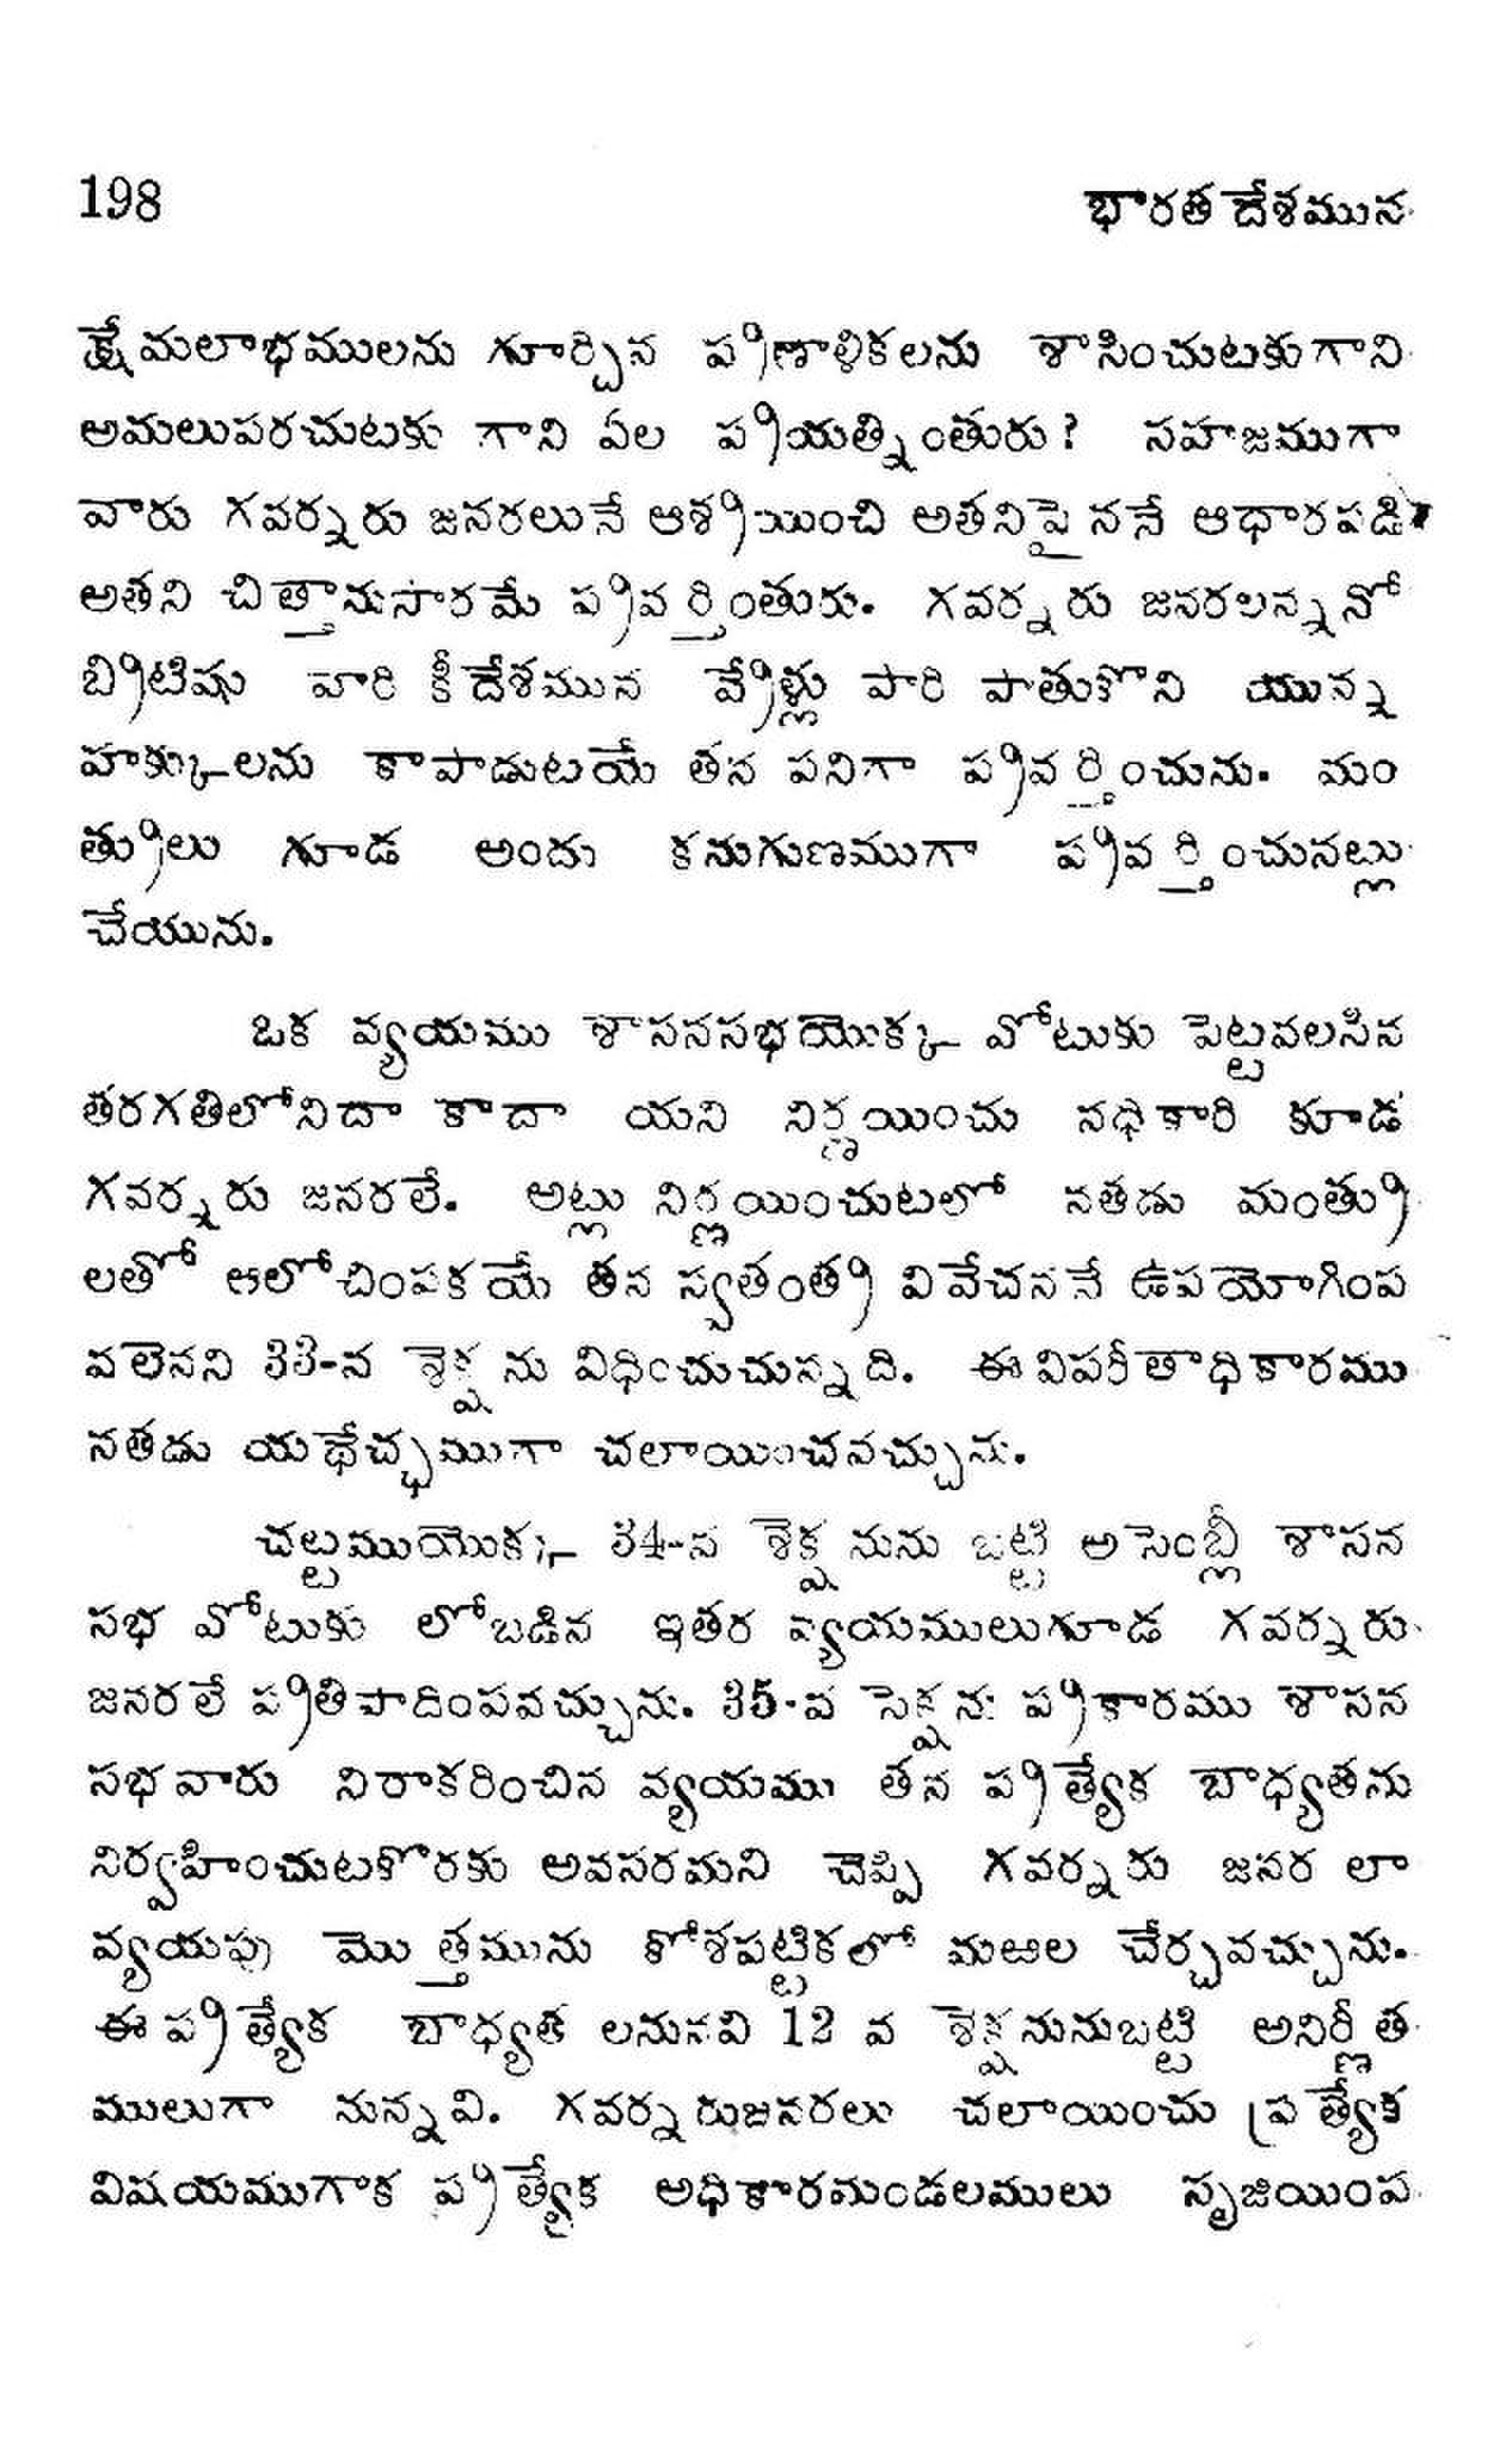క్షేమలాభములను గూర్చిన ప్రణాళికలను శాసించుటకుగాని అమలుపరచుటకు గాని ఏల ప్రయత్నింతురు? సహజముగా వారు గవర్నరు జనరలునే ఆశ్రయించి అతనిపైననే ఆధారపడి అతని చిత్తానుసారమే ప్రవర్తింతురు. గవర్నరు జనరలన్ననో బ్రిటిషు వారి కీదేశమున వ్రేళ్లు పారి పాతుకొని యున్న హక్కులను కాపాడుటయే తన పనిగా ప్రవర్తించును. మంత్రులు గూడ అందు కనుగుణముగా ప్రవర్తించునట్లు చేయును.

ఒక వ్యయము శాసనసభయొక్క వోటుకు పెట్టవలసిన తరగతిలోనిదా కాదా యని నిర్ణయించు నధికారి కూడ గవర్నరు జనరలే. అట్లు నిర్ణయించుటలో నతడు మంత్రులతో ఆలోచింపకయే తన స్వతంత్ర వివేచననే ఉపయోగింపవలెనని 38-వ శెక్షను విధించుచున్నది. ఈ విపరీతాధికారము నతడు యథేచ్ఛముగా చలాయించవచ్చును.

చట్టముయొక్క - 34 శెక్ష నును బట్టి అసెంబ్లీ శాసనసభ వోటుకు లోబడిన ఇతర వ్యయములుగూడ గవర్నరు జనరలే ప్రతిపాదింపవచ్చును. 35 వ సెక్షను ప్రకారము శాసనసభవారు నిరాకరించిన వ్యయము. తన ప్రత్యేక బాధ్యతను నిర్వహించుటకొరకు అవసరమని చెప్పి గవర్నరు జనర లా వ్యయపు మొత్తమును కోశపట్టికలో మఱల చేర్చవచ్చును. ఈప్రత్యేక బాధ్యత లనునవి 12 వ శెక్షనునుబట్టి అనిర్ణీతములుగా నున్నవి. గవర్నరుజనరలు చలాయించు ప్రత్యేక విషయముగాక ప్రత్యేక అధికారమండలములు సృజియింప